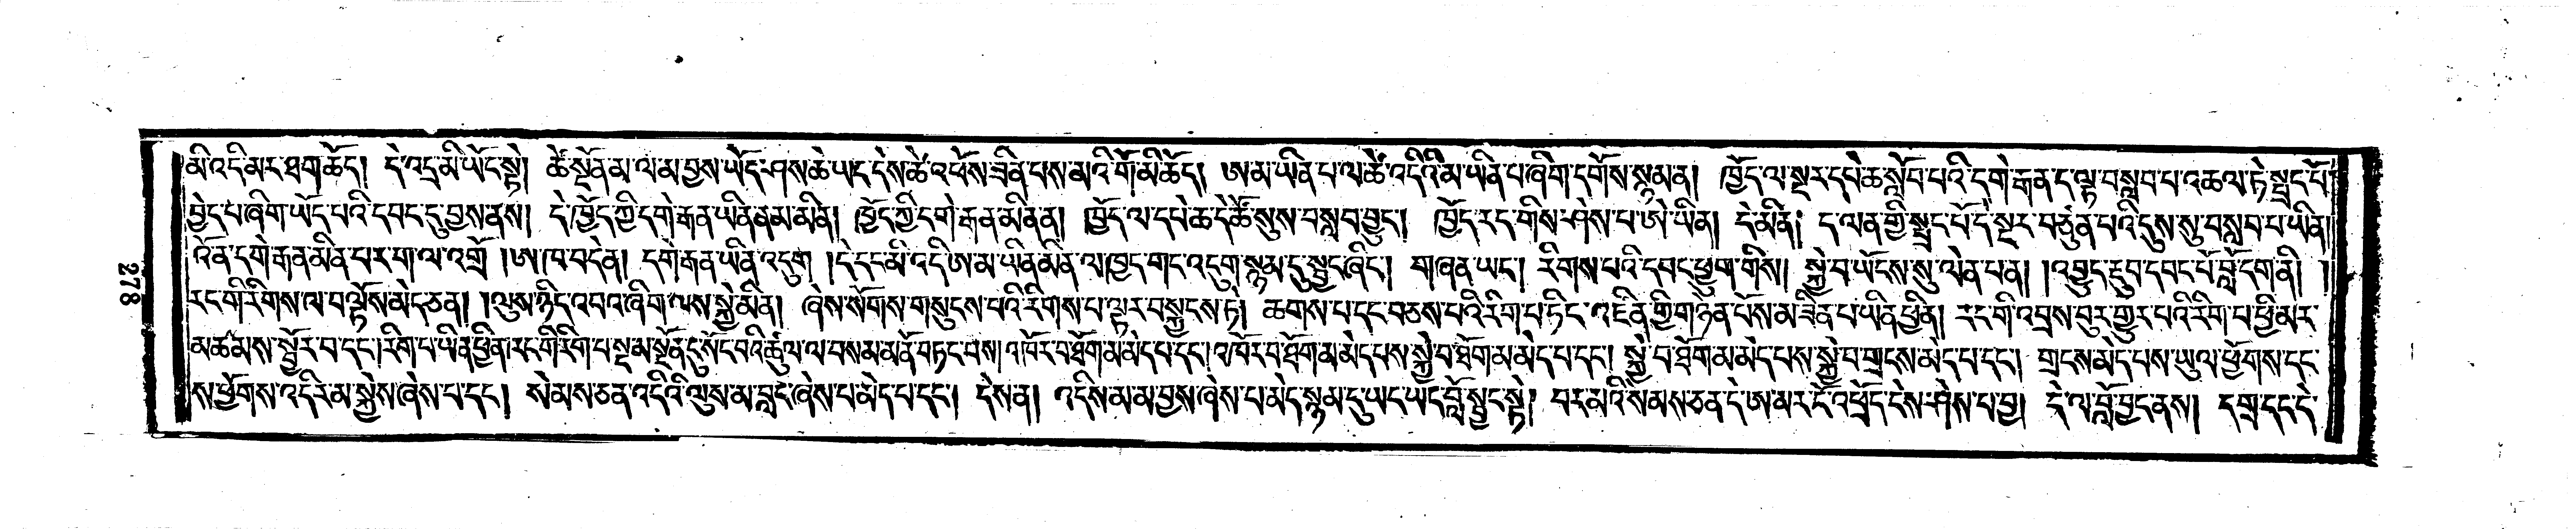མི་འདི་མར་ཐག་ཆོད། དེ་འདྲ་མི་ཡོང་སྟེ། ཚེ་སྔོན་མ་ལ་མ་བྱས་ཡོད་ཤས་ཆེ་ཡང་དེས་ཚེ་འཕོས་ཟིན་པས་མའི་གོ་མི་ཆོད། ཨ་མ་ཡིན་པ་ལ་ཚེ་འདིའི་མ་ཡིན་པ་ཞིག་དགོས་སྙམ་ན། ཁྱོད་ལ་སྔར་དཔེ་ཆ་སློབ་པའི་དགེ་རྒན་ད་ལྟ་བསླབ་པ་འཆལ་ཏེ་སྤྲང་པོ་
བྱེད་པ་ཞིག་ཡོད་པའི་དབང་དུ་བྱས་ནས། དེ་ཁྱོད་ཀྱི་དགེ་རྒན་ཡིན་ནམ་མིན། ཁྱོད་ཀྱི་དགེ་རྒན་མིན་ན། ཁྱོད་ལ་དཔེ་ཆ་དེ་ཚོ་སུས་བསླབ་བྱུང་། ཁྱོད་རང་གིས་ཤེས་པ་ཨེ་ཡིན། དེ་མིན༑ ད་ལན་གྱི་སྤྲང་པོ་དེ་སྔར་བཙུན་པའི་དུས་སུ་བསླབ་པ་ཡིན།
འོ་ན་དགེ་རྒན་མིན་པར་ག་ལ་འགྲོ་།ཨ་ཁ་བདེན། དགེ་རྒན་ཡི་འདུག །དེ་དང་མི་འདི་ཨ་མ་ཡིན་མིན་ལ་ཁྱད་གང་འདུག་སྙམ་དུ་སྦྱང་ཞིང་། གཞན་ཡང་། རིགས་པའི་དབང་ཕྱུག་གིས། སྐྱེ་བ་ཡོངས་སུ་ལེན་པ་ན། །འབྱུང་རྡུབ་དབང་པོ་བློ་དག་ནི། །
རང་གི་རིགས་ལ་བལྟོས་མེད་ཅན། །ལུས་ཉིད་འབའ་ཞིག་ལས་སྐྱེ་མིན། ཞེས་སོགས་གསུངས་པའི་རིགས་པ་ལྟར་བསྐྱངས་ཏེ། ཆགས་པ་དང་བཅས་པའི་རིག་པ་ཏིང་འཛིན་གྱི་གཉེན་པོས་མ་ཟིན་པ་ཡིན་ཕྱིན། རང་གི་འབྲས་བུར་གྱུར་པའི་རིག་པ་ཕྱི་མར་
མཚམས་སྦྱོར་བ་དང་། རིག་པ་ཡིན་ཕྱིན། རང་གི་རིག་པ་སྔ་མ་སྔོན་དུ་སོང་བའི་ཚུལ་ལ་བསམ་མནོ་བཏང་བས། འཁོར་བ་ཐོག་མ་མེད་པ་དང་། འཁོར་བ་ཐོག་མ་མེད་པས་སྐྱེ་བ་ཐོག་མ་མེད་པ་དང་། སྐྱེ་བ་ཐོག་མ་མེད་པས་སྐྱེ་བ་གྲངས་མེད་པ་དང་། གྲངས་མེད་པས་ཡུལ་ཕྱོགས་དང་
ས་ཕྱོགས་འདིར་མ་སྐྱེས་ཞེས་པ་དང་། སེམས་ཅན་འདིའི་ལུས་མ་བླང་ཞེས་པ་མེད་པ་དང་། དེས་ན། འདིས་མ་མ་བྱས་ཞེས་པ་མེད་སྙམ་དུ་ཡང་ཡང་བློ་སྦྱང་སྟེ། བར་མའི་སེམས་ཅན་དེ་ཨ་མར་ངོ་འཕྲོད་ངེས་ཤེས་པ་བྱ། དེ་ལ་བློ་བྱང་ནས། དགྲ་དང་དེ་